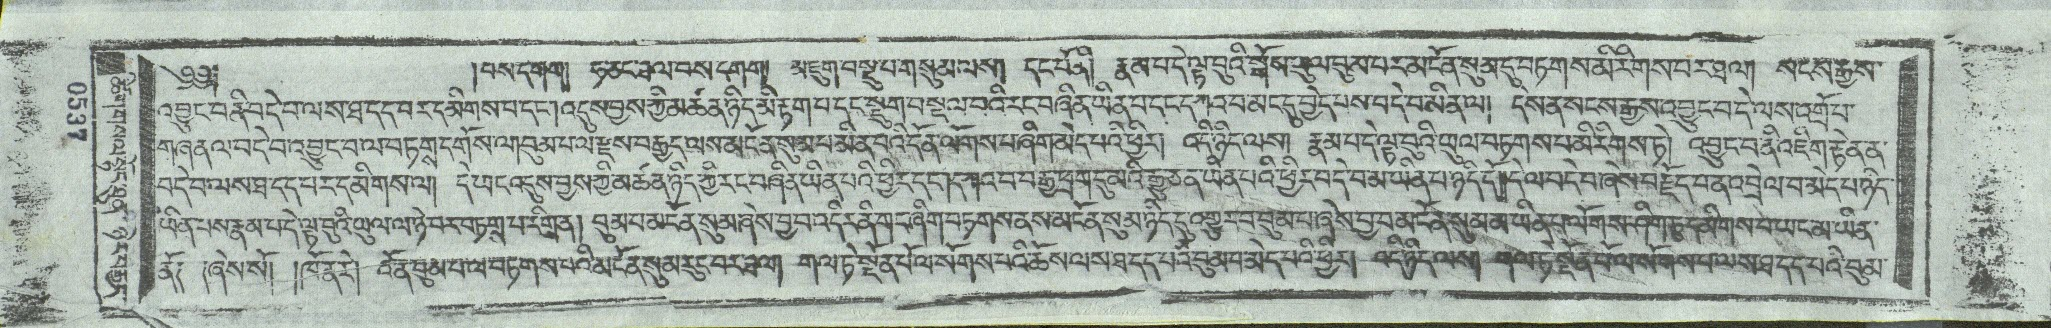༄༅། །བས་དགག། ཧ་ཅང་ཐལ་བས་དགག། མཇུག་བསྡུ་པ་གསུམ་ལས། དང་པོ་ནི། རྣམ་པ་དེ་ལྟ་བུའི་སྒོས་ཡུལ་བུམ་པར་མངོན་སུམ་དུ་བཏགས་མི་རིགས་པར་ཐལ། སངས་རྒྱས་
འབྱུང་བ་ནི་བདེ་བ་ལས་ཐ་དད་པར་དམིགས་པ་དང་། འདུས་བྱས་ཀྱི་མཚན་ཉིད་མི་རྟག་པ་དང་སྡུག་བསྔལ་བའི་རང་བཞིན་ཡིན་པ་དང་དཀའ་བ་མང་དུ་བྱེད་པས་བདེ་བ་མིན་ལ། དེས་ན་སངས་རྒྱས་འབྱུང་བ་དེ་ལས་འགྲོ་བ་
གཞན་ལ་བདེ་བ་འབྱུང་བ་ལ་བཏགས་དགོས་ལ། བུམ་པ་ལ་རྫས་བརྒྱད་ལས་མངོན་སུམ་པ་མིན་པའི་དོན་ལོགས་པ་ཞིག་མེད་པའི་ཕྱིར། འདི་ཉིད་ལས། རྣམ་པ་དེ་ལྟ་བུའི་ཡུལ་བཏགས་པ་མི་རིགས་ཏེ། འབྱུང་བ་ནི་འཇིག་རྟེན་ན་
བདེ་བ་ལས་ཐ་དད་པར་དམིགས་ལ། དེ་ཡང་འདུས་བྱས་ཀྱི་མཚན་ཉིད་ཀྱི་རང་བཞིན་ཡིན་པའི་ཕྱིར་དང་། དཀའ་བ་བརྒྱ་ཕྲག་དུ་མའི་རྒྱུ་ཅན་ཡིན་པའི་ཕྱིར་བདེ་བ་མ་ཡིན་པ་ཉིད་དོ། །དེ་ལ་བདེ་བ་ཞེས་བརྗོད་པ་ན་འབྲེལ་བ་མེད་པ་ཉིད་
ཡིན་པས་རྣམ་པ་དེ་ལྟ་བུའི་ཡུལ་ལ་ཉེ་བར་བཏགས་པ་རིགས་ན། བུམ་པ་མངོན་སུམ་ཞེས་བྱ་བ་འདིར་ནི་གང་ཞིག་བཏགས་ནས་མངོན་སུམ་ཉིད་དུ་འགྱུར་བ་བུམ་པ་ཞེས་བྱ་བ་མངོན་སུམ་མ་ཡིན་པ་ལོགས་ཤིག་ཏུ་དམིགས་པ་ཡང་མ་ཡིན་
ནོ༑ ༑ཞེས་སོ། །ཁོ་ན་རེ། འོ་ན་བུམ་པ་ལ་བཏགས་པའི་མངོན་སུམ་རུང་བར་ཐལ། གལ་ཏེ་སྔོན་པོ་ལ་སོགས་པའི་ཆོས་ལས་ཐ་དད་པའི་བུམ་པ་མེད་པའི་ཕྱིར། འདི་ཉིད་ལས། གལ་ཏེ་སྔོན་པོ་ལ་སོགས་པ་ལས་ཐ་དད་པའི་བུམ་